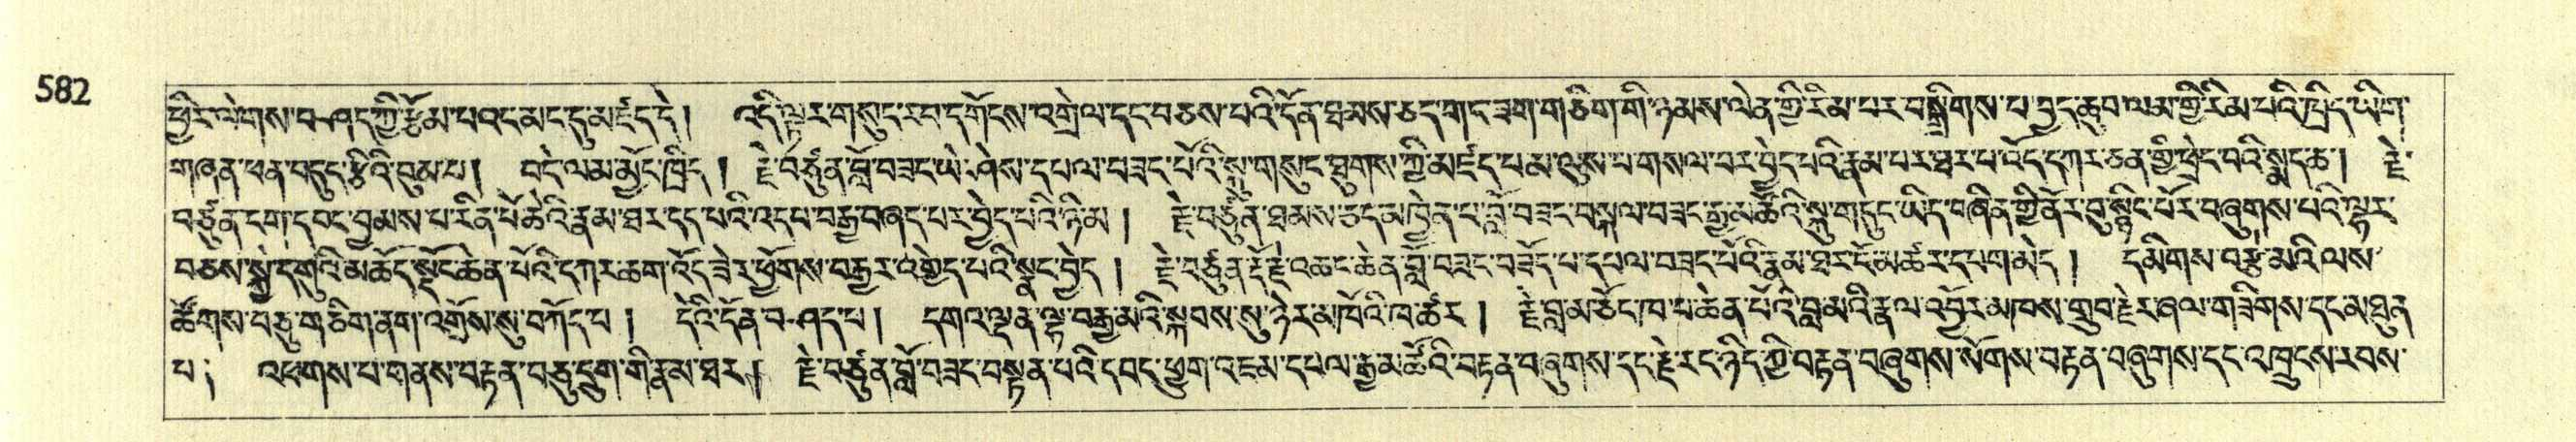ཕྱིར་ལེགས་བཤད་ཀྱི་རྩོམ་པའང་མང་དུ་མཛད་དེ། འདི་ལྟར་གསུང་རབ་དགོངས་འགྲེལ་དང་བཅས་པའི་དོན་ཐམས་ཅད་གང་ཟག་གཅིག་གི་ཉམས་ལེན་གྱི་རིམ་པར་བསྒྲིགས་པ་བྱང་ཆུབ་ལམ་གྱི་རིམ་པའི་ཁྲིད་ཡིག་
གཞན་ཕན་བདུད་རྩིའི་བུམ་པ། བདེ་ལམ་མྱོང་ཁྲིད། རྗེ་བཙུན་བློ་བཟང་ཡེ་ཤེས་དཔལ་བཟང་པོའི་སྐུ་གསུང་ཐུགས་ཀྱི་མཛད་པ་མ་ལུས་པ་གསལ་བར་བྱེད་པའི་རྣམ་པར་ཐར་པ་འོད་དཀར་ཅན་གྱི་ཕྲེང་བའི་སྨད་ཆ། རྗེ་
བཙུན་ངག་དབང་བྱམས་པ་རིན་པོ་ཆེའི་རྣམ་ཐར་དད་པའི་འདབ་བརྒྱ་བཞད་པར་བྱེད་པའི་ཉི་མ། རྗེ་བཙུན་ཐམས་ཅད་མཁྱེན་པ་བློ་བཟང་བསྐལ་བཟང་རྒྱ་མཚོའི་སྐུ་གདུང་ཡིད་བཞིན་གྱི་ནོར་བུ་སྙིང་པོར་བཞུགས་པའི་ལྷར་
བཅས་སྐྱེ་དགུའི་མཆོད་སྡོང་ཆེན་པོའི་དཀར་ཆག་འོད་ཟེར་ཕྱོགས་བརྒྱར་འགྱེད་པའི་སྣང་བྱེད། རྗེ་བཙུན་རྡོ་རྗེ་འཆང་ཆེན་བློ་བཟང་བཟོད་པ་དཔལ་བཟང་པོའི་རྣམ་ཐར་ངོ་མཚར་དཔག་མེད། དམིགས་བརྩེ་མའི་ལས་
ཚོགས་བཅུ་གཅིག་ནག་འགྲོས་སུ་བཀོད་པ། དེའི་དོན་བཤད་པ། དགའ་ལྡན་ལྷ་བརྒྱ་མའི་སྐབས་སུ་ཉེར་མཁོའི་ཁ་ཚར། རྗེ་བླ་མ་ཙོང་ཁ་པ་ཆེན་པོའི་བླ་མའི་རྣལ་འབྱོར་མཁས་གྲུབ་རྗེར་ཞལ་གཟིགས་དང་མཐུན་
པ༑ འཕགས་པ་གནས་བརྟན་བཅུ་དྲུག་གི་རྣམ་ཐར། རྗེ་བཙུན་བློ་བཟང་བསྟན་པའི་དབང་ཕྱུག་འཇམ་དཔལ་རྒྱ་མཚོའི་བརྟན་བཞུགས་དང་རྗེ་རང་ཉིད་ཀྱི་བརྟན་བཞུགས་སོགས་བརྟན་བཞུགས་དང་འཁྲུངས་རབས་